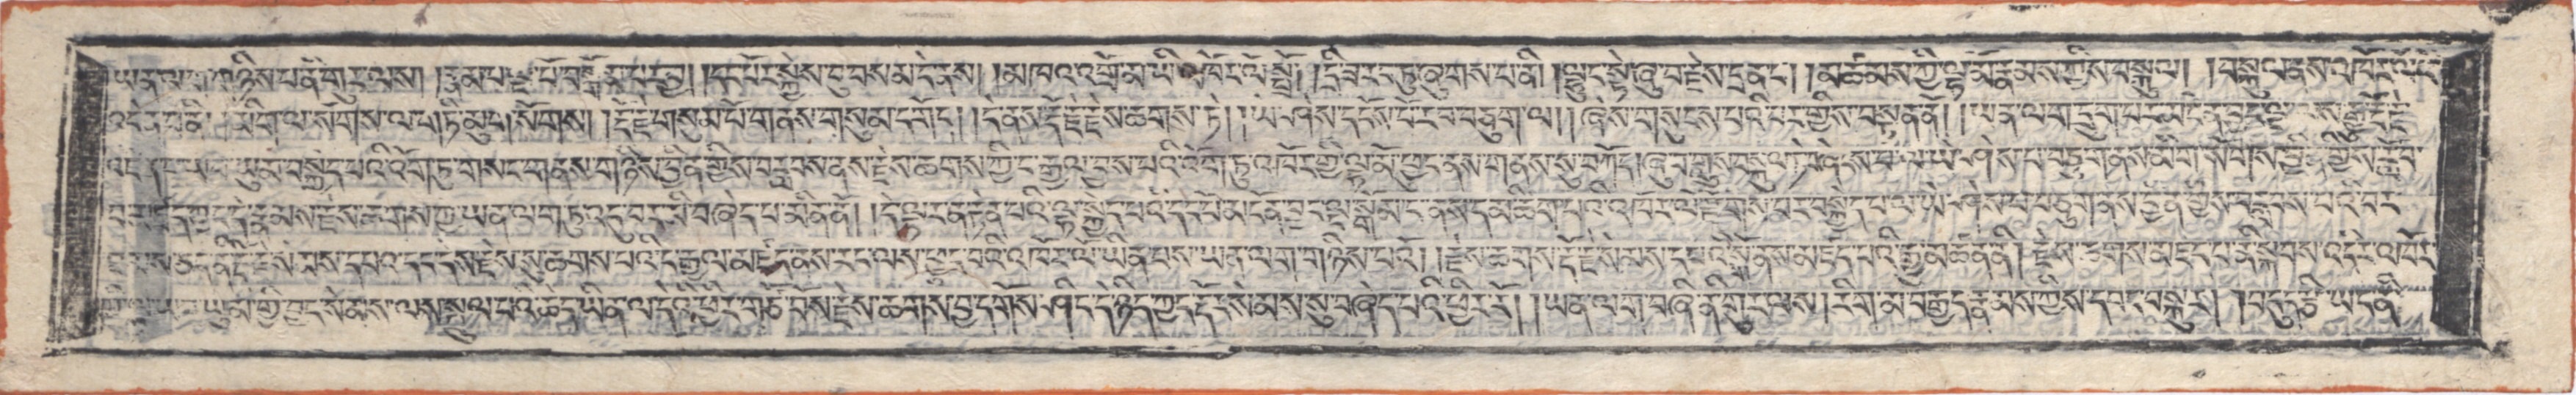ཡན་ལག་གཉིས་པ་ནི་གུར་ལས། །རྣམ་པ་ལྔ་པོ་བསྒོམ་པར་བྱ། །དང་པོར་སྐྱེས་བུ་བསམ་དེ་ནས། །མཁའ་འགྲོ་མ་ཡི་འཁོར་ལོ་སྤྲོ། །དྲི་ཟ་རབ་ཏུ་ཞུགས་པ་ནི། །ལྷུང་སྟེ་ཞུ་བ་རྗེས་དྲན་པ། །མཚམས་ཀྱི་ལྷ་མོ་རྣམས་ཀྱིས་བསྐུལ། །བསྐུལ་ནས་འཁོར་ལོའི་
འདྲེན་པ་ནི། །མིག་ལ་སོགས་ལ་གཏི་མུག་སོགས། །རྡོ་རྗེ་གསུམ་པོ་གནས་གསུམ་དགོད། །དེ་ནས་རྡོ་རྗེ་རྗེས་ཆགས་ཏེ། །ཡེ་ཤེས་དངོས་པོ་རབ་བཅུག་ལ། །ཞེས་གསུངས་པའི་བར་གྱིས་བསྟན་ནོ། །ཡན་ལག་དྲུག་པར་མངོན་བྱང་ལྔ་ལས་རྒྱུ་རྡོ་རྗེ་
འཛིན་པ་ཡབ་ཡུམ་བསྐྱེད་པའི་འོག་ཏུ་གསང་གནས་གཉིས་བྱིན་གྱིས་བརླབས་ནས་རྗེས་ཆགས་ཀྱི་ང་རྒྱལ་བྱས་པའི་འོག་ཏུ་འཁོར་གྱི་ལྷ་མོ་ཕྱུང་ནས་གནས་སུ་བཀོད་།ཞུ་བ་གླུས་བསྐུལ་ཏེ་བཞེངས་པ་ལ་ཡེ་ཤེས་པ་བཅུག་ནས་མིག་སོགས་བྱིན་གྱིས་རློབ་
བ་མཛད་ཀྱང་དེ་རྣམས་རྗེས་ཆགས་ཀྱི་ཡན་ལག་ཏུ་འདུ་བར་མི་བཞེད་པ་མིན་ནོ། །དེ་ལྟར་ན་རྟེན་པའི་ལྷ་སྐྱེད་པའི་དང་པོ་མངོན་བྱང་ལྔ་སྒོམ་པ་ནས་དམ་ཚིག་པའི་འཁོར་ལོ་རྫོགས་པར་བསྐྱེད་པ་ལ་ཡེ་ཤེས་པ་བཅུག་ནས་བྱིན་གྱིས་བརླབས་པའི་བར་
ཐམས་ཅད་ནི་རྡོ་རྗེས་སེམས་དཔའ་དང་དེས་རྗེས་སུ་ཆགས་པའི་ང་རྒྱལ་མཛད་ནས་རང་ལས་ཕྱུང་བའི་འཁོར་ལོ་ཡིན་པས་ཡན་ལག་གཉིས་པའོ། །རྗེས་ཆགས་རྡོ་རྗེ་སེམས་དཔའི་སྒོ་ནས་མཛད་པའི་རྒྱུ་མཚན་ནི། རྗེས་ཆགས་མཛད་པ་ནི་སྐབས་འདིར་འཁོར་
གྱི་ལྷ་ཡབ་ཡུམ་གྱི་བྱང་སེམས་ལས་སྤྲུལ་པའི་ཆེད་ཡིན་ལ་དེའི་ཕྱིར་གཙོ་བོས་རྗེས་ཆགས་བྱ་དགོས་ཤིང་དེ་ཉིད་ཀྱང་རྡོར་སེམས་སུ་བཞེད་པའི་ཕྱིར་རོ། །ཡན་ལག་བཞི་ནི་གུར་ལས། རིག་མ་བརྒྱད་རྣམས་ཀྱིས་དབང་བསྐུར། །བདུད་རྩི་ཡང་ནི་